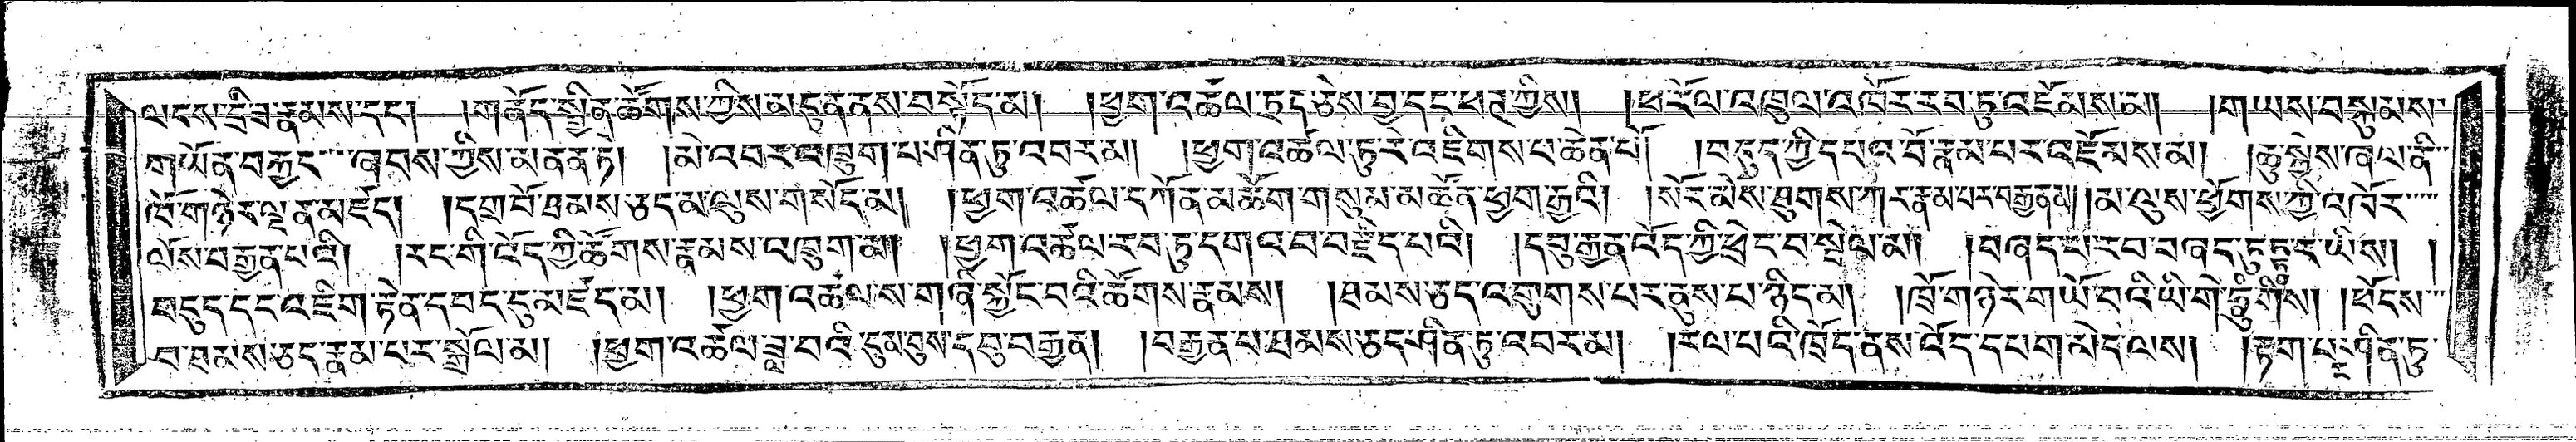ལངས་དྲི་ཟ་རྣམས་དང་། །གནོད་སྦྱིན་ཚོགས་ཀྱིས་མདུན་ནས་བསྟོད་མ། །ཕྱག་འཚལ་ཏྲད་ཅེས་བྱ་དང་ཕཊ་ཀྱིས། །ཕ་རོལ་འཁྲུལ་འཁོར་རབ་ཏུ་འཇོམས་མ། །གཡས་བསྐུམས་
གཡོན་བརྐྱང་ཞབས་ཀྱིས་མནན་ཏེ། །མེ་འབར་འཁྲུག་པ་ཤིན་ཏུ་འབར་མ། །ཕྱག་འཚལ་ཏུ་རེ་འཇིགས་པ་ཆེན་པོ། །བདུད་ཀྱི་དཔའ་བོ་རྣམ་པར་འཇོམས་མ། །ཆུ་སྐྱེས་ཞལ་ནི་
ཁོ་གཉེར་ལྡན་མཛད། །དགྲ་བོ་ཐམས་ཅད་མ་ལུས་གསོད་མ། །ཕྱག་འཚལ་དཀོན་མཆོག་གསུམ་མཚོན་ཕྱག་རྒྱའི། །སོར་མོས་ཐུགས་ཀར་རྣམ་པར་བརྒྱན་མ། །མ་ལུས་ཕྱོགས་ཀྱི་འཁོར་
ལོས་བརྒྱན་པའི། །རང་གི་འོད་ཀྱི་ཚོགས་རྣམས་འཁྲུག་མ། །ཕྱག་འཚལ་རབ་ཏུ་དགའ་བ་བརྗིད་པའི། །དབུ་རྒྱན་འོད་ཀྱི་ཕྲེང་བ་སྦེལ་མ། །བཞད་པ་རབ་བཞད་ཏུཏྟཱ་ར་ཡིས། །
བདུད་དང་འཇིག་རྟེན་དབང་དུ་མཛད་མ། །ཕྱག་འཚལ་ས་གཞི་སྐྱོང་བའི་ཚོགས་རྣམས། །ཐམས་ཅད་འགུགས་པར་ནུས་པ་ཉིད་མ། །ཁྲོ་གཉེར་གཡོ་བའི་ཡི་གེ་ཧཱུཾ་གིས། །ཕོངས་
བ་ཐམས་ཅད་རྣམ་པར་སྒྲོལ་མ། །ཕྱག་འཚལ་ཟླ་བའི་དུམ་བུས་དབུ་བརྒྱན། །བརྒྱན་པ་ཐམས་ཅད་ཤིན་ཏུ་འབར་མ། །རལ་བའི་ཁྲོད་ནས་འོད་དཔག་མེད་ལས། །རྟག་པར་ཤིན་ཏུ་